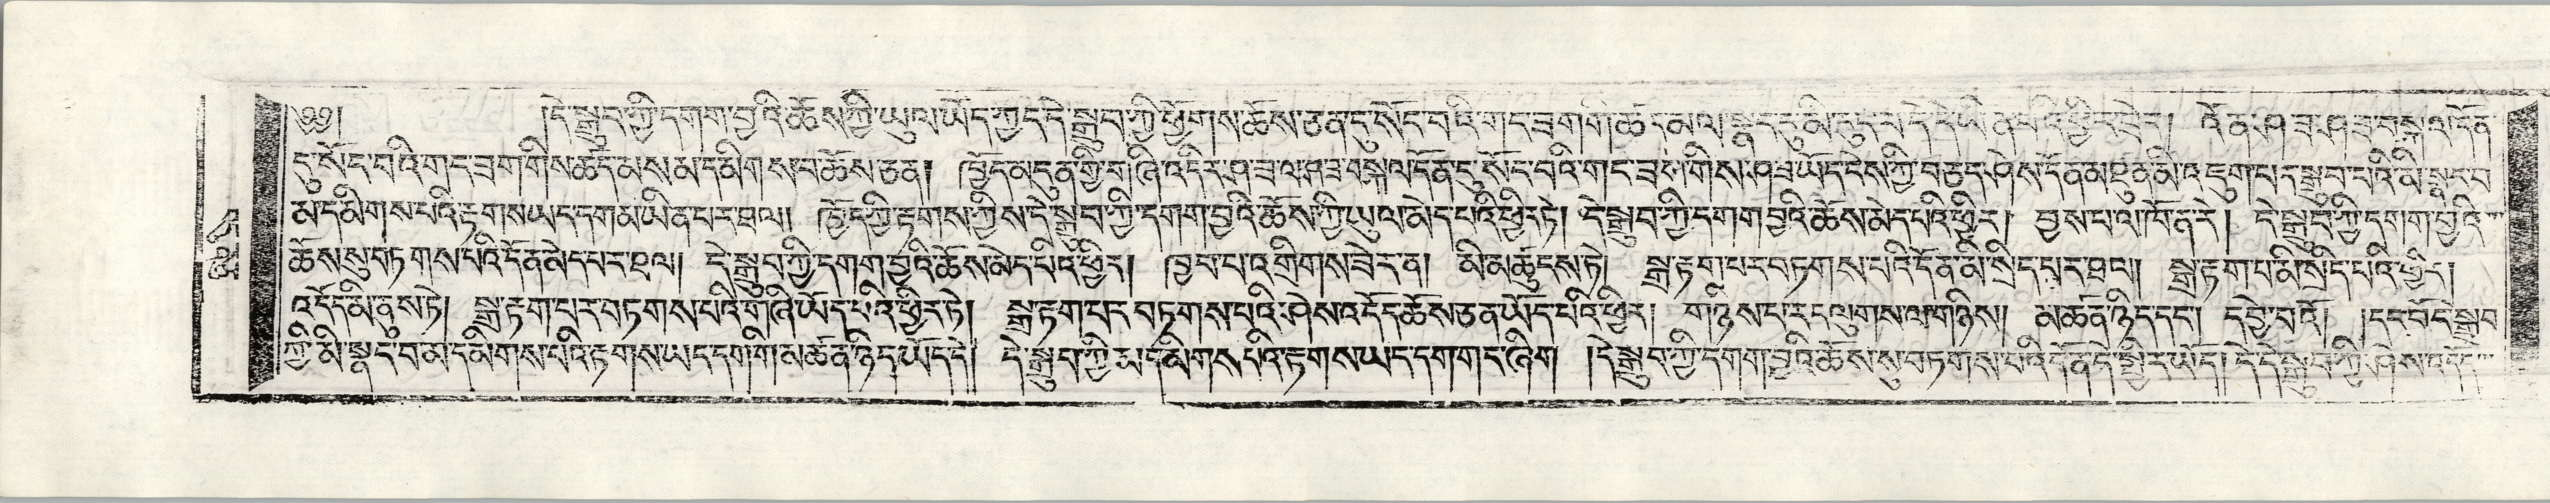༄༅། །དེ་སྒྲུབ་ཀྱི་དགག་བྱའི་ཆོས་ཀྱི་ཡུལ་ཡོད་ཀྱང་དེ་སྒྲུབ་ཀྱི་ཕྱོགས་ཆོས་ཅན་དུ་སོང་བའི་གང་ཟག་གི་ཚད་མ་ལ་སྣང་དུ་མི་རུང་བ་དེ་དེ་ཡིན་པའི་ཕྱིར་ཟེར། འོ་ན་ཤ་ཟ་ཤ་ཟ་བསྐལ་དོན་
དུ་སོང་བའི་གང་ཟག་གིས་ཚད་མས་མ་དམིགས་པ་ཆོས་ཅན། ཁྱོད་མདུན་གྱི་གཞི་འདིར་ཤ་ཟ་ལ་ཤ་ཟ་བསྐལ་དོན་དུ་སོང་བའི་གང་ཟག་གིས་ཤ་ཟ་ཡོད་ངེས་ཀྱི་བཅད་ཤེས་དོན་མཐུན་མི་འཇུག་པར་སྒྲུབ་པའི་མི་སྣང་བ་
མ་དམིགས་པའི་རྟགས་ཡང་དག་མ་ཡིན་པར་ཐལ། ཁྱོད་ཀྱི་རྟགས་ཀྱིས་དེ་སྒྲུབ་ཀྱི་དགག་བྱའི་ཆོས་ཀྱི་ཡུལ་མེད་པའི་ཕྱིར་ཏེ། དེ་སྒྲུབ་ཀྱི་དགག་བྱའི་ཆོས་མེད་པའི་ཕྱིར། བྱས་པ་ལ་ཁོ་ན་རེ། དེ་སྒྲུབ་ཀྱི་དགག་བྱའི་
ཆོས་སུ་བཏགས་པའི་དོན་མེད་པར་ཐལ། དེ་སྒྲུབ་ཀྱི་དགག་བྱའི་ཆོས་མེད་པའི་ཕྱིར། ཁྱབ་པ་འགྲིགས་ཟེར་ན། མི་མཚུངས་ཏེ། སྒྲ་རྟག་པར་བཏགས་པའི་དོན་མི་སྲིད་པར་ཐལ། སྒྲ་རྟག་པ་མི་སྲིད་པའི་ཕྱིར།
འདོད་མི་ནུས་ཏེ། སྒྲ་རྟག་པར་བཏགས་པའི་གཞི་ཡོད་པའི་ཕྱིར་ཏེ། སྒྲ་རྟག་པར་བཏགས་པའི་ཤེས་འདོད་ཆོས་ཅན་ཡོད་པའི་ཕྱིར། གཉིས་པ་རང་ལུགས་ལ་གཉིས། མཚན་ཉིད་དང་། དབྱེ་བའོ། །དང་པོ་དེ་སྒྲུབ་
ཀྱི་མི་སྣང་བ་མ་དམིགས་པའི་རྟགས་ཡང་དག་གི་མཚན་ཉིད་ཡོད་དེ། དེ་སྒྲུབ་ཀྱི་མ་དམིགས་པའི་རྟགས་ཡང་དག་གང་ཞིག །དེ་སྒྲུབ་ཀྱི་དགག་བྱའི་ཆོས་སུ་བཏགས་པའི་དོན་དེ་སྤྱིར་ཡོད། དེ་དེ་སྒྲུབ་ཀྱི་ཤེས་འདོད་